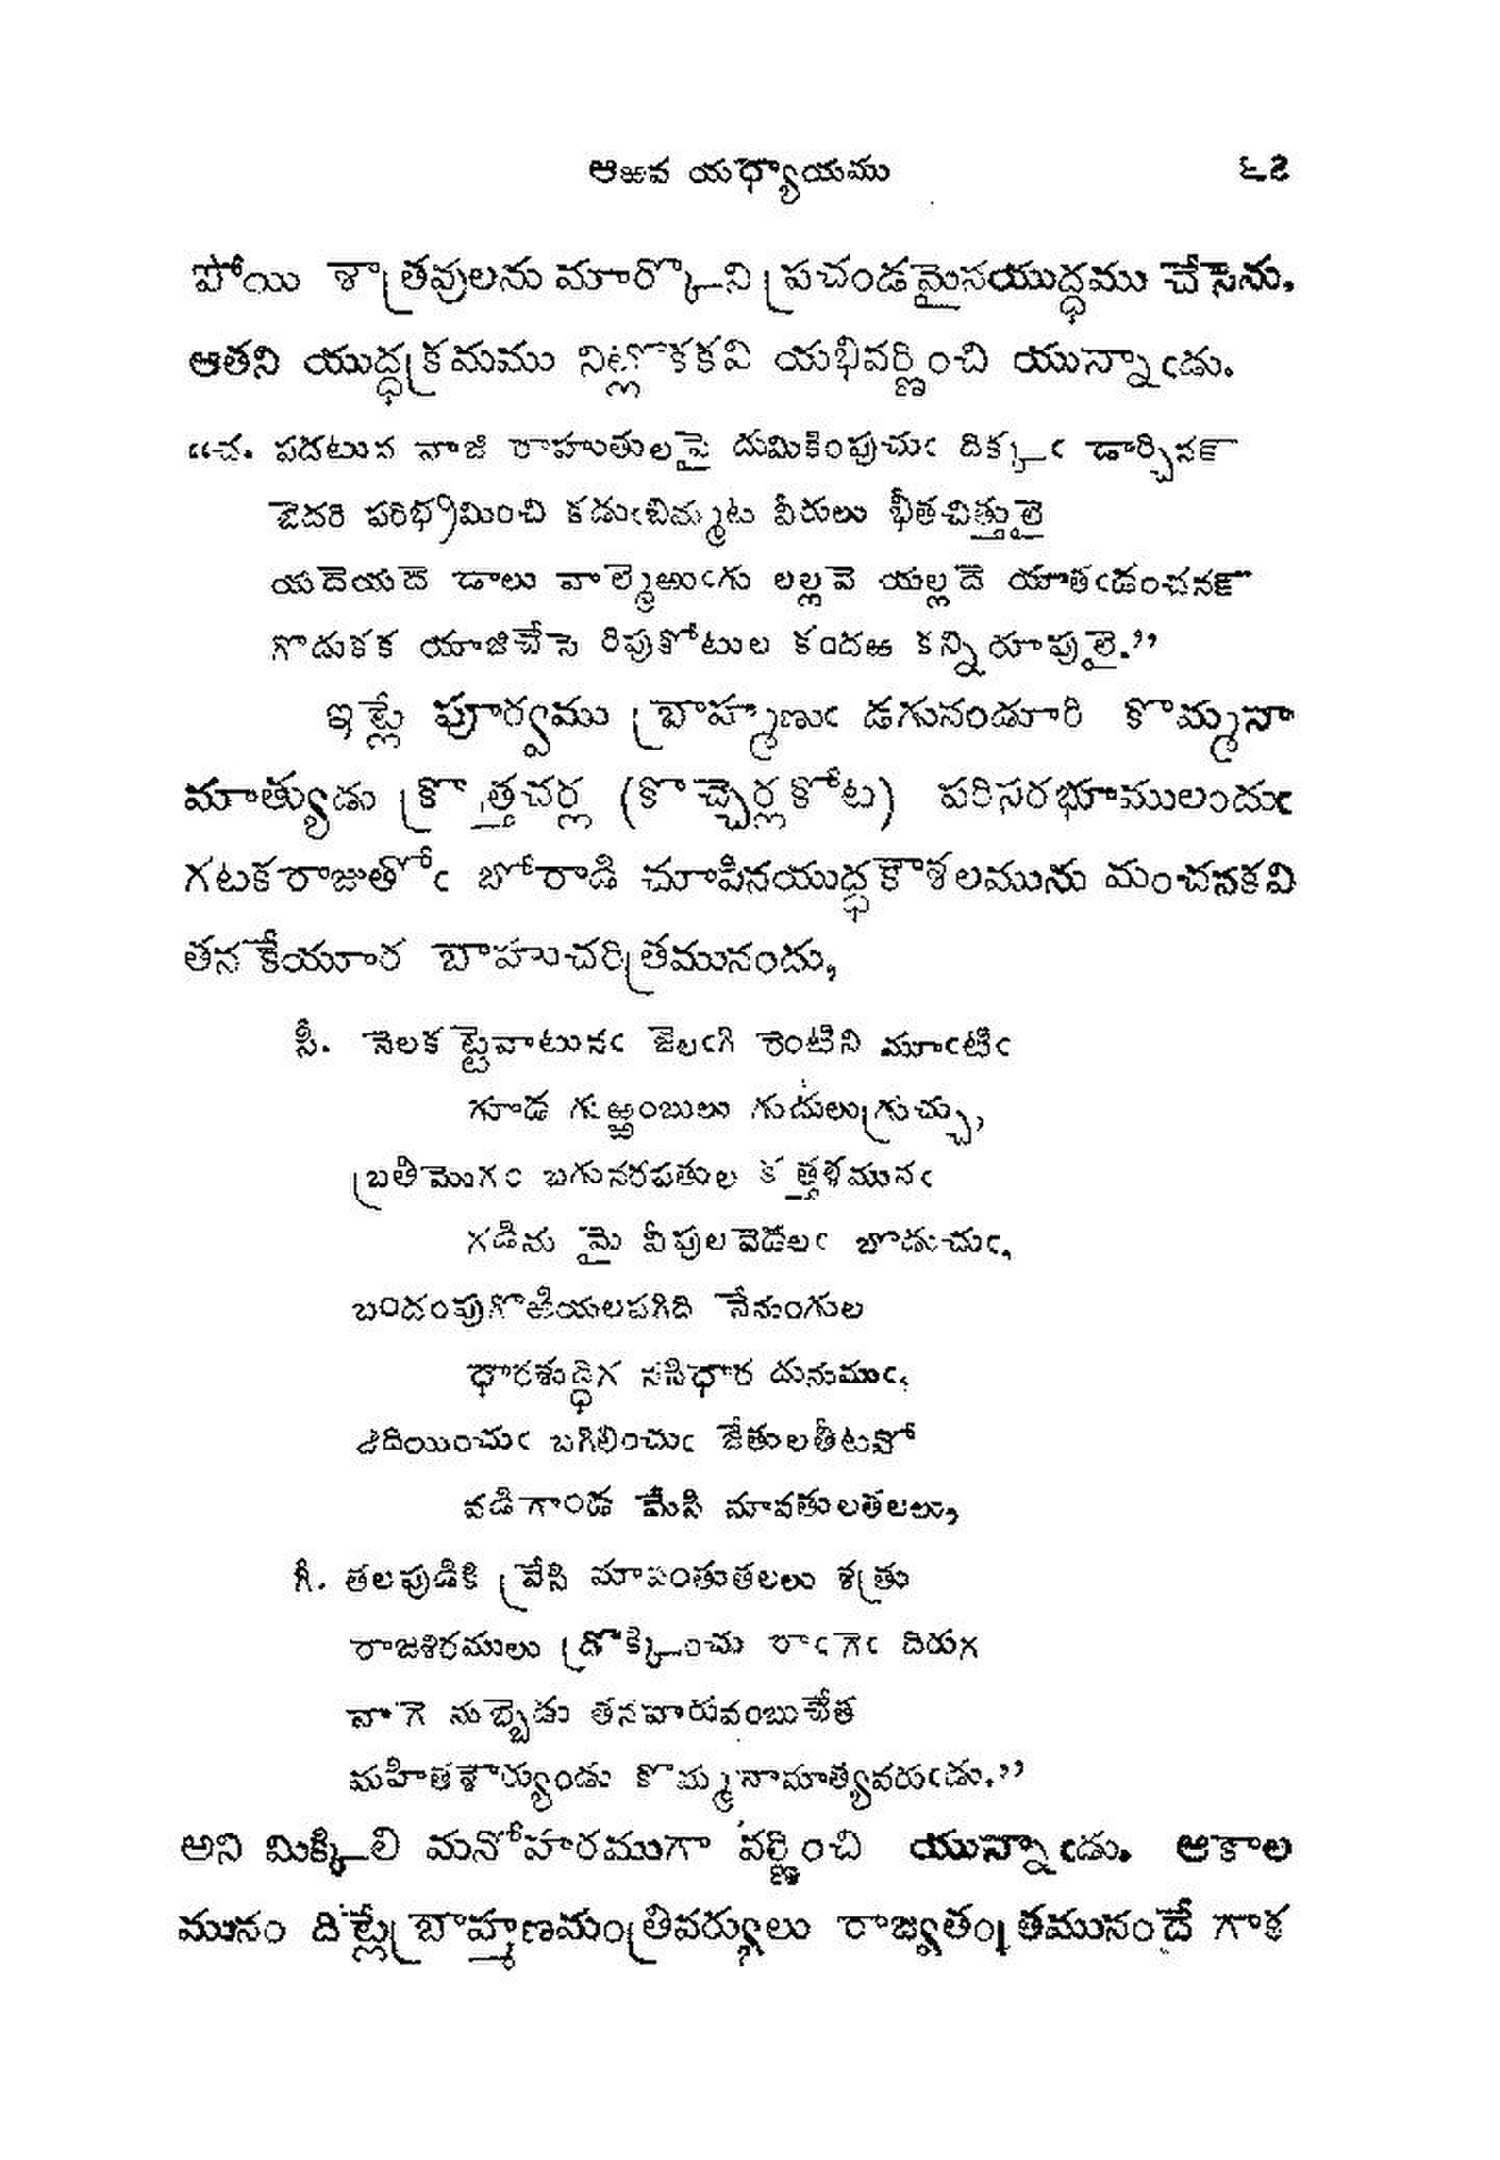పోయి శాత్రవులను మార్కొని ప్రచండమైనయుద్ధము చేసెను. ఆతని యుద్ధక్రమము నిట్లొకకవి యభివర్ణించి యున్నాఁడు. 

"చ. పదటున వాజి రాహుతులపై దుమికింపుచుఁ దిక్కఁ డార్చిన౯ 
 బెదరి పరిభ్రమించి కడుఁబిమ్మట వీరులు భీతచిత్తులై 
 యదెయదె డాలు వాల్మెఱుఁగు లల్లవె యల్లదె యాతఁడంచన౯ 
 గొదుకక యాజిచేసె రిపుకోటుల కందఱ కన్నిరూపులై."
ఇట్లే పూర్వము బ్రాహ్మణుఁ డగునండూరి కొమ్మనామాత్యుడు క్రొత్తచర్ల (కొచ్చెర్ల కోట) పరిసరభూములందుఁ గటకరాజుతోఁ బోరాడి చూపినయుద్ధకౌశలమును మంచనకవి తనకేయూర బాహుచరిత్రమునందు, 

సీ. నెలకట్టెవాటునఁ జెలఁగి రెంటిని మూఁటిఁ
 గూడ గుఱ్ఱంబులు గుదులుగ్రుచ్చు, 
 బ్రతిమొగం బగునరపతుల కత్తళమునఁ
 గడిమ మై వీపులవెడలఁ బొడుచుఁ, 
 బందంపుగొఱియలపగిది నేనుంగుల
 ధారశుద్దిగ ససిధార దునుముఁ, 
 అదియించుఁ బగిలించుఁ జేతులతీటవో
 వడిగాండ మేసి మావతులతలలు, 

గీ. తలపుడికి వ్రేసి మావంతుతలలు శత్రు 
 రాజశిరములు ద్రొక్కించు రాఁగెఁ దిరుగ 
 నాగె నుబ్బెడు తనవారువంబుచేత
 మహితశౌర్యుండు కొమ్మనామాత్యవరుఁడు."
అని మిక్కిలి మనోహరముగా వర్ణించి యున్నాఁడు. ఆకాలమునం దిట్లే బ్రాహ్మణమంత్రివర్యులు రాజ్యతంత్రమునందే గాక